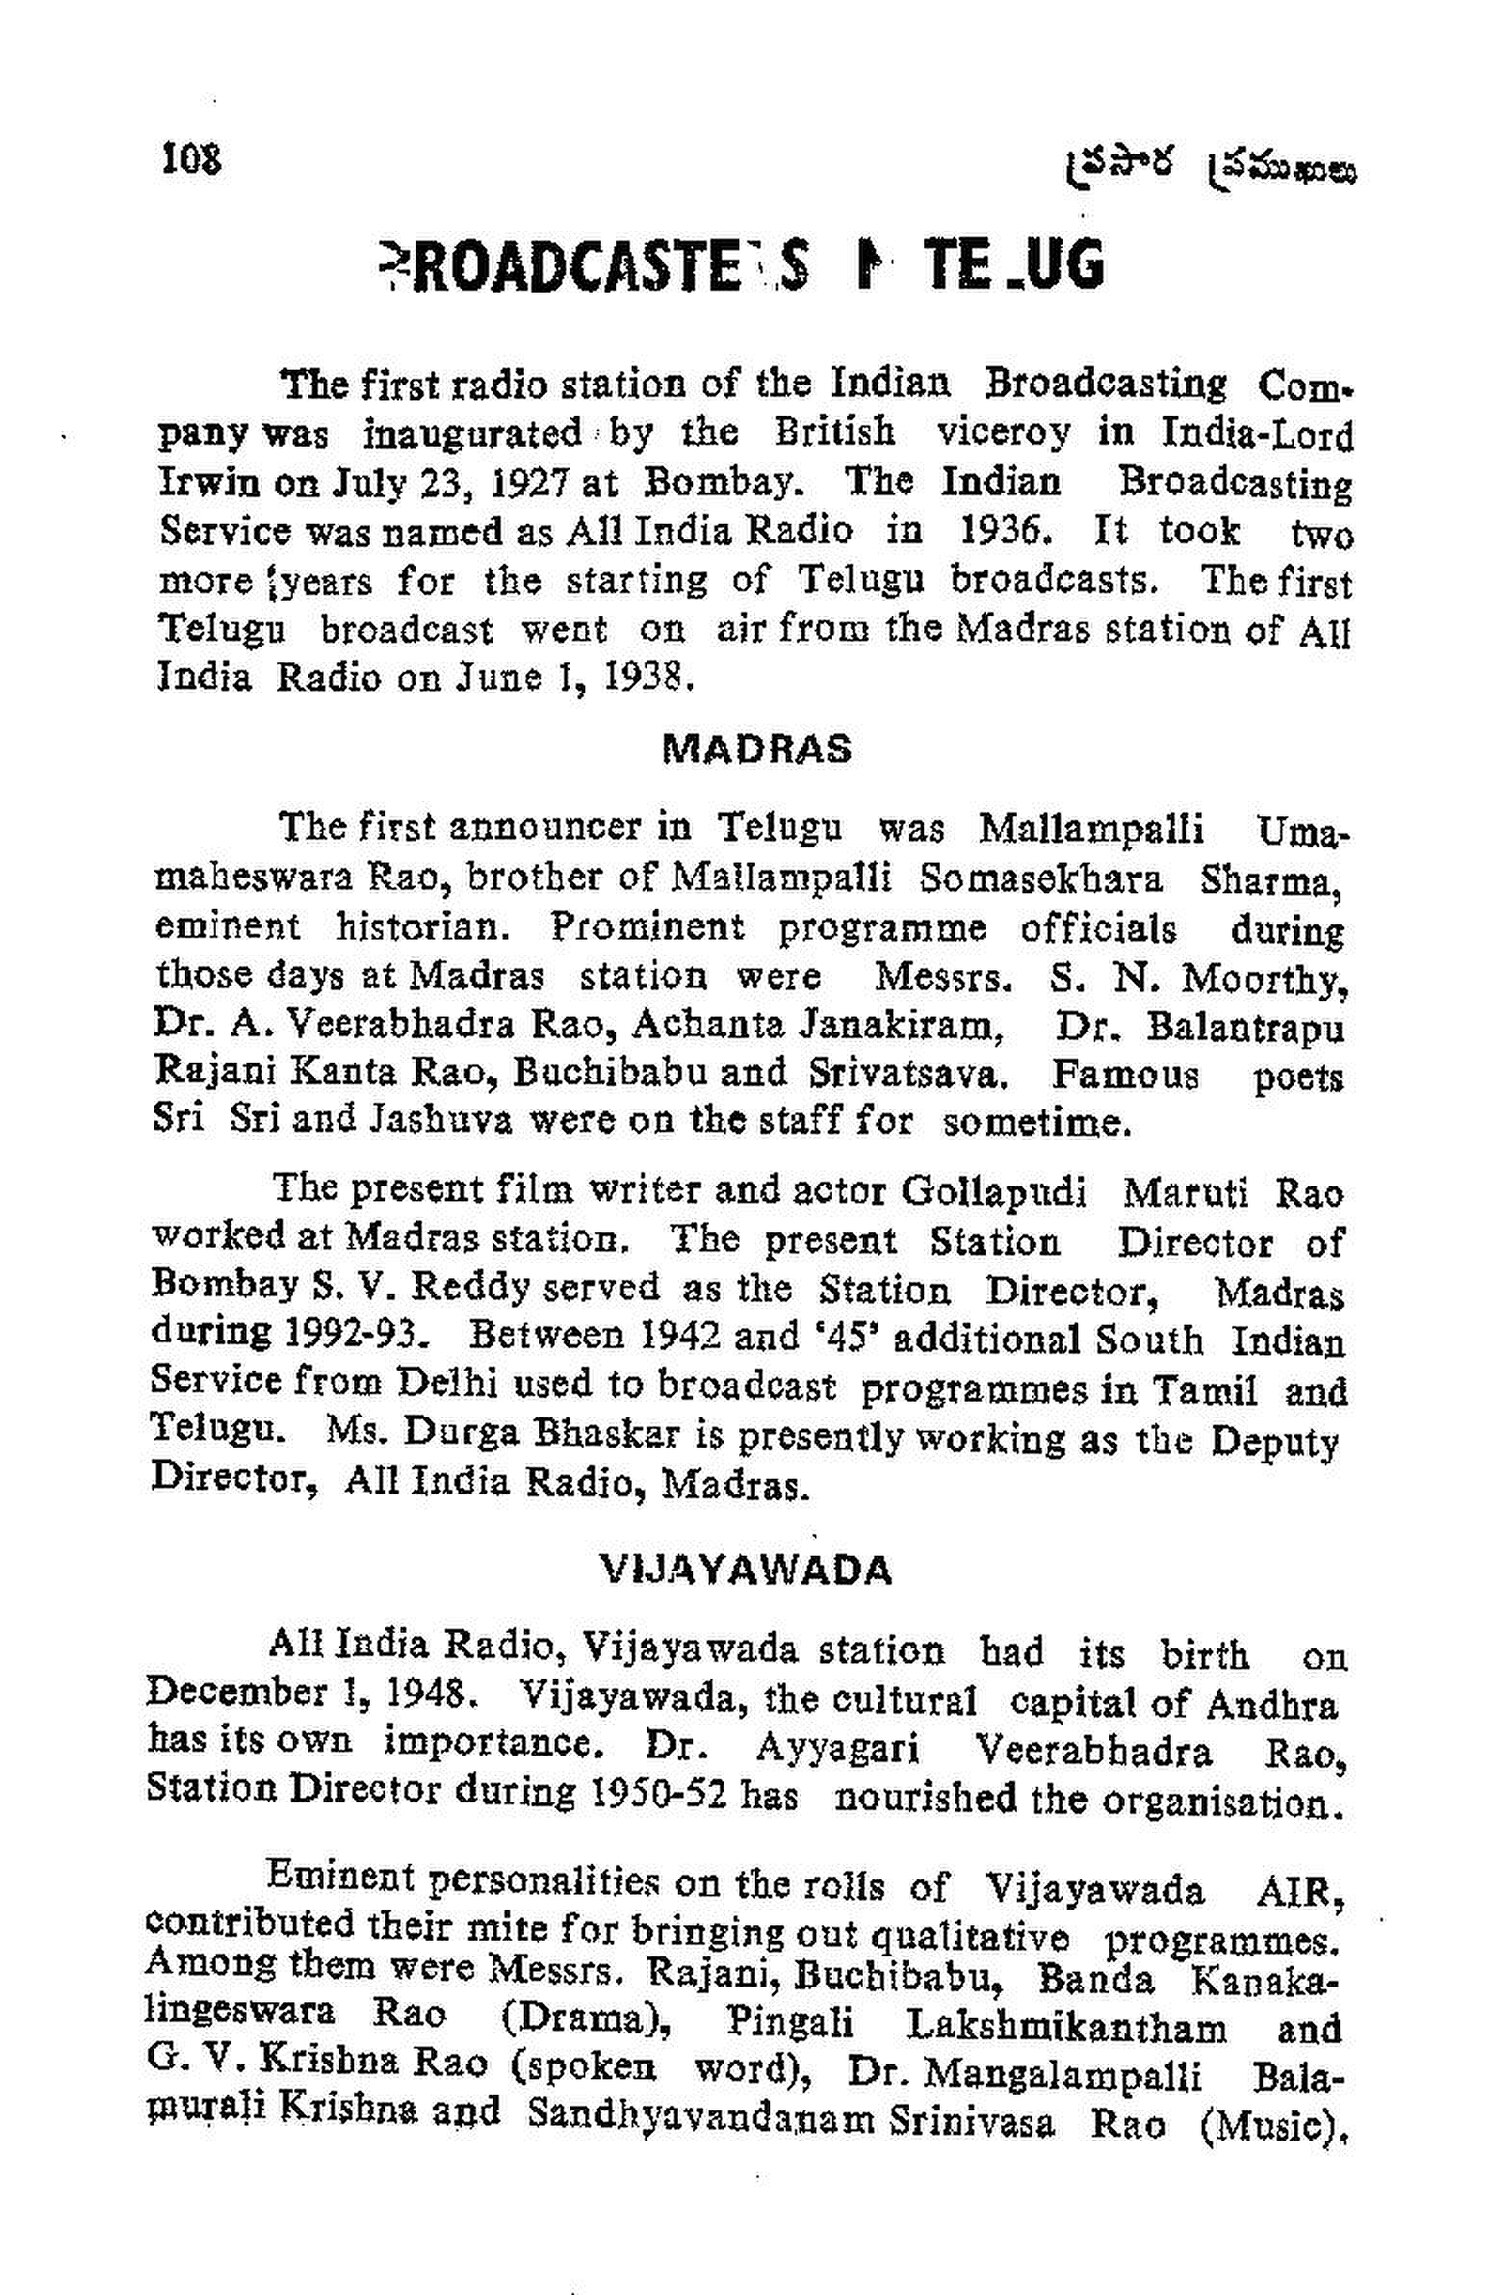BROADCASTERS IN TELUGU
The first radio station of the Indian Broadcasting Company was inaugurated by the British viceroy in India-Lord Irwin on July 23, 1927 at Bombay. The Indian Broadcasting Service was more named as All India Radio in1936. It took two more years for the starting of Telugu broadcasts. The first broadcast went on air from the Madras station of All India Radio on June1,1938.

MADRAS

The first announcer in Telugu was Mallampalli Umamaheswara Rao, brother of Mallampalli Somasekhara Sharma, eminent historian. Prominent programme officials duringthose days at Madras station were Messrs. S. N. Moorthy,Dr. A. Veerabhadra Rao, Achanta Janakiram, Dr. BalantrapuKanta Rao, Buchibabu and Srivatsava. Famous Rajani poets Sri Sri and Jashuva were on the staff for sometime.The present film writer and actor Gollapudi Maruti Rao worked at Madras station.

The present Station Director of Bombay S. V. Reddy served as the Station Director, Madrasduring 1992-93. Between 1942 and '45' additional South Indian Service from Delhi used to broadcast programmes in Tamil and Telugu. Ms. Durga Bhaskar is presently working as the DeputyDirector, All India Radio, Madras.

VIJAYAWADAA

All India Radio, Vijayawada station had its birth on December1, 1948. Vijayawada, the cultural capital of Andhra has its own importance. Dr.AyyagariVeerabhadra Rao, Station Director during 1950-52 has nourished the organisation.

Eminent personalities on the rolls of Vijayawada AIR, contributed their mite for bringing out qualitative programmes. Among them were Messrs. Rajani, Buchibabu, Banda Kanakalingeswara Rao(Drama),Pingali Lakshmikantham and G. V. Krishna Rao (spokenword), Dr. Mangalampalli Balapwrali Krishna and Sandhyavandanam Srinivasa Rao(Music),